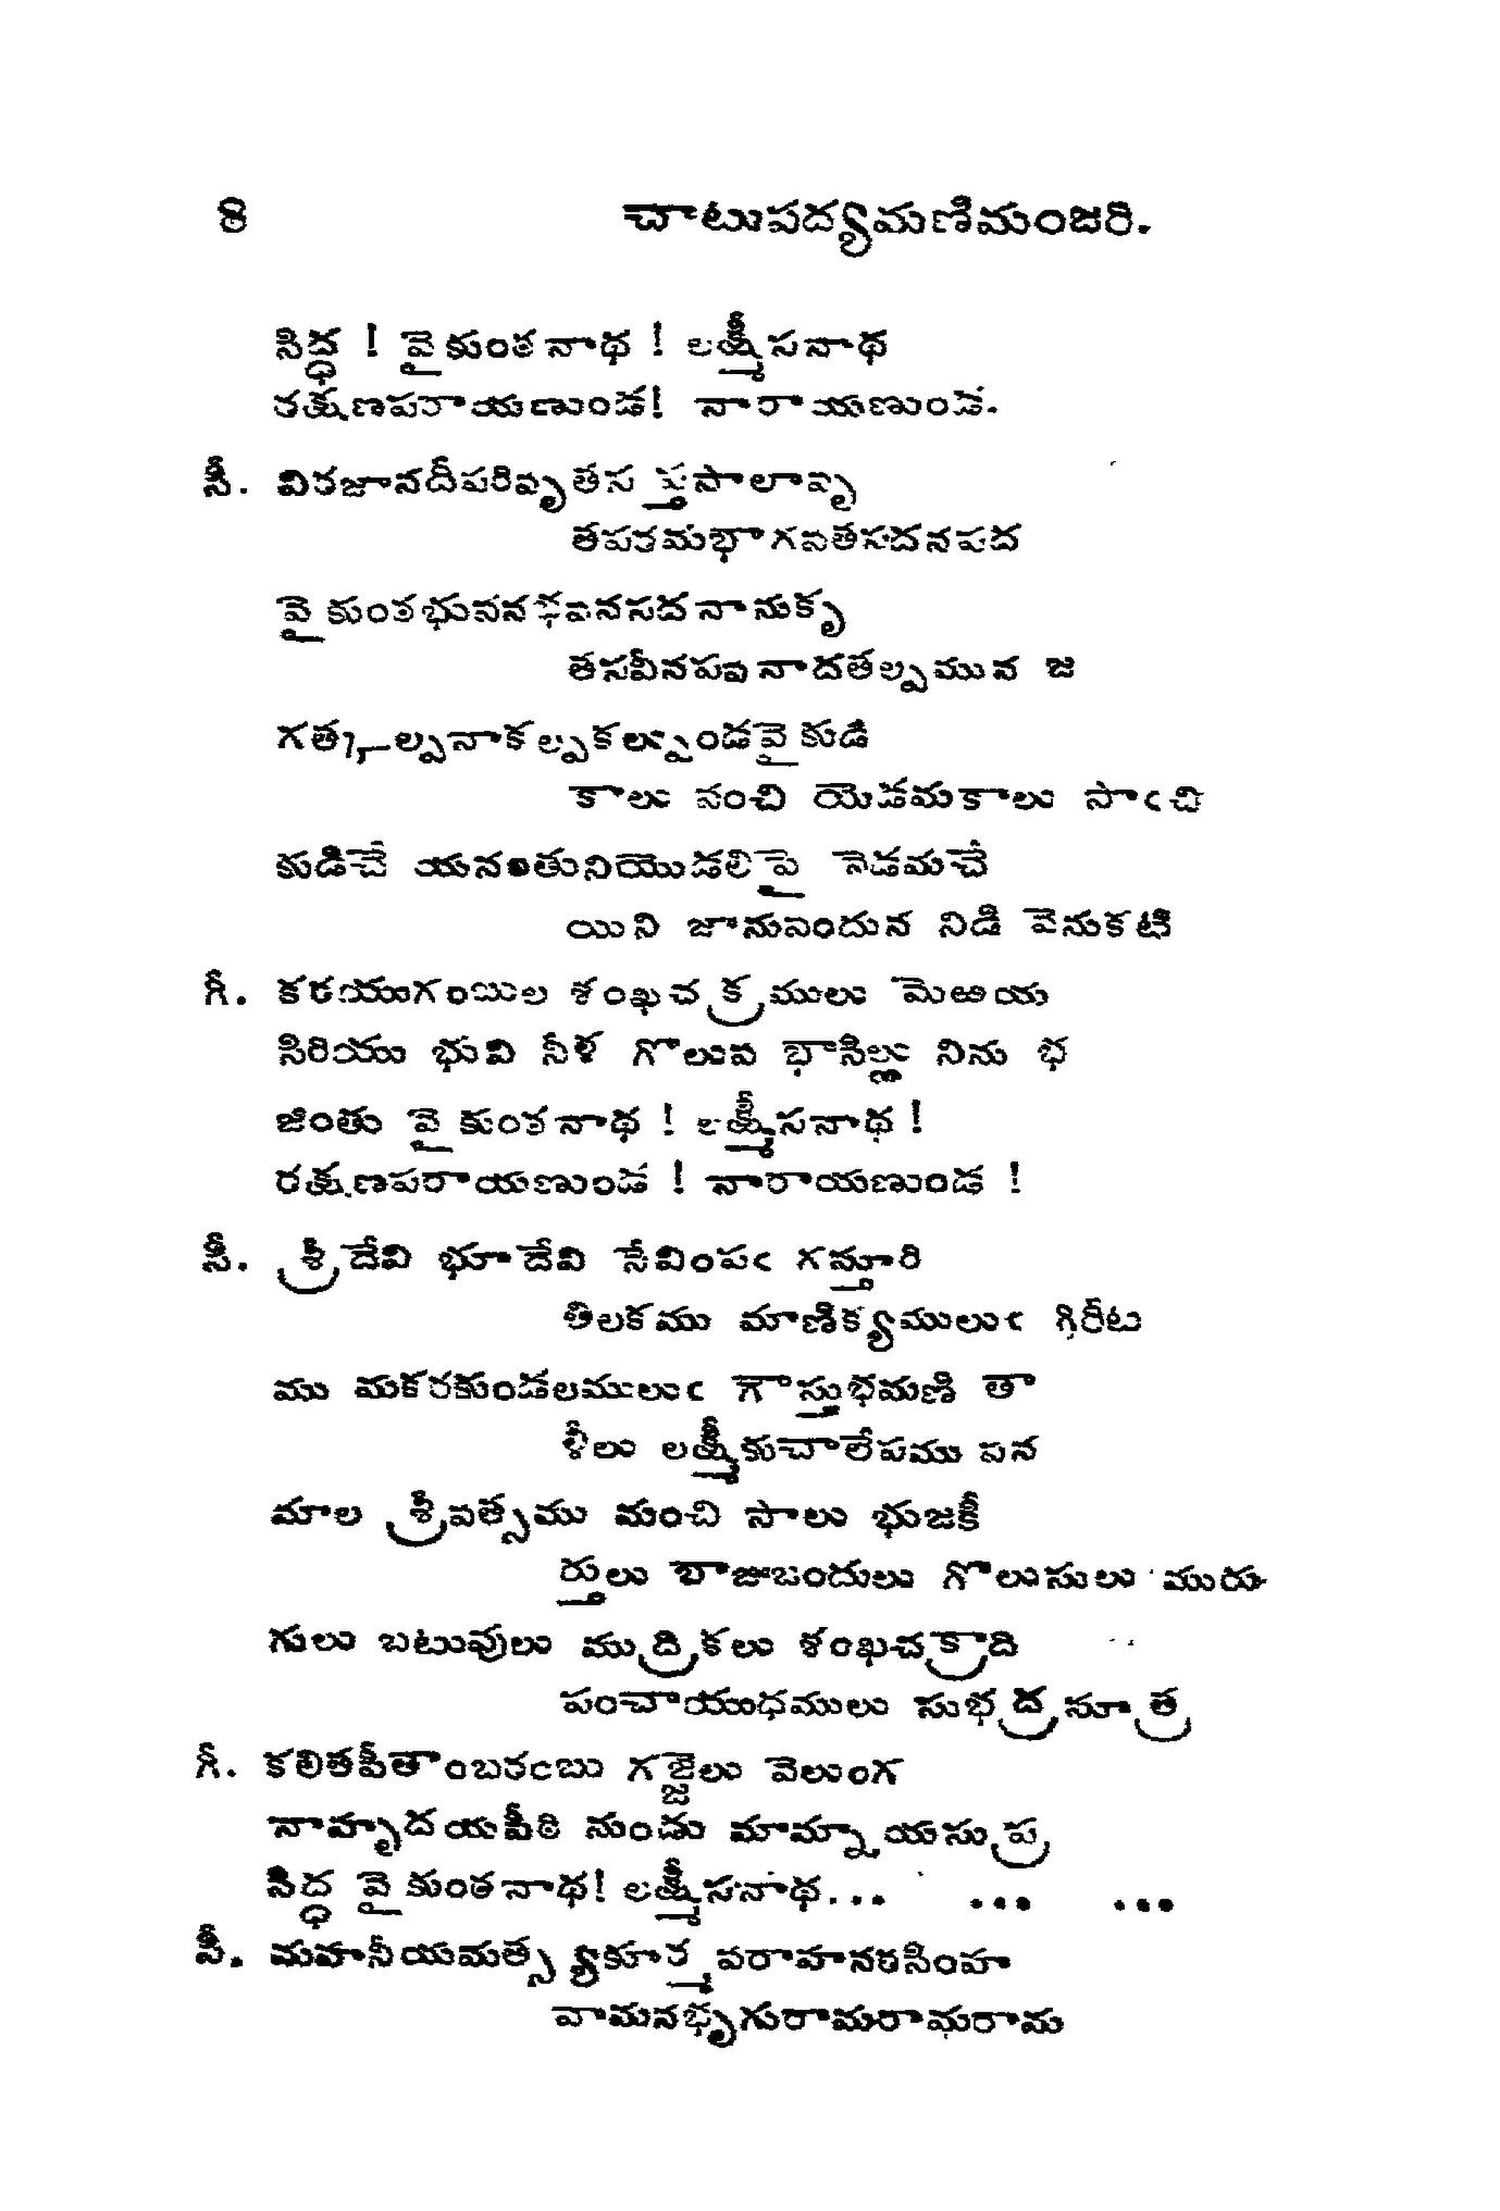సిద్ధ! వైకుంఠనాథ! లక్ష్మీసనాథ!
 రక్షణపరాయణుండ! నారాయణుండ!
సీ. విరజానదీపరివృతసప్తసాలావృ
 తపరమభాగవతసదనపద
 వైకుంఠభువనభవనసదనానుకృ
 తనవీనపవనాదతల్పమున జ
 గత్కల్పనాకల్పకల్పుండవై కుడి
 కాలు వంచి యెడమకాలు సాఁచి
 కుడిచే యనంతుని యొడలిపై నెడమచే
 యిని జానువందున నిడి వెనుకటి
గీ. కరయుగంబుల శంఖచక్రములు మెఱయ
 సిరియు భువి నీళ గొలువ భాసిల్లు నిను భ
 జింతు వైకుంఠనాథ! లక్ష్మీసనాథ!
 రక్షణపరాయణుండ! నారాయణుండ!
సీ. శ్రీదేవిభూదేవి సేవింపఁ గస్తూరి
 తిలకము మాణిక్యములుఁ గిరీట
 ము మకరకుండలములుఁ గౌస్తుభమణి తా
 ళీలు లక్ష్మీకుచాలేపము వన
 మాల శ్రీవత్సము మంచిసాలు భుజకీ
 ర్తులు బాజుబందులు గొలుసులు మురు
 గులు బటువులు ముద్రికలు శంఖచక్రాది
 పంచాయుధములు సుభద్రసూత్ర
గీ. కలితపీతాంబరంబు గజ్జెలు వెలుంగ
 నా హృదయపీఠి నుండు మామ్నాయసుప్ర
 సిద్ధ వైకుంఠనాథ! లక్ష్మీసనాథ!
 రక్షణపరాయణుండ! నారాయణుండ!
సీ. మహనీయమత్స్యకూర్మవరాహనరసింహ
 వామనభృగురామరామరామ